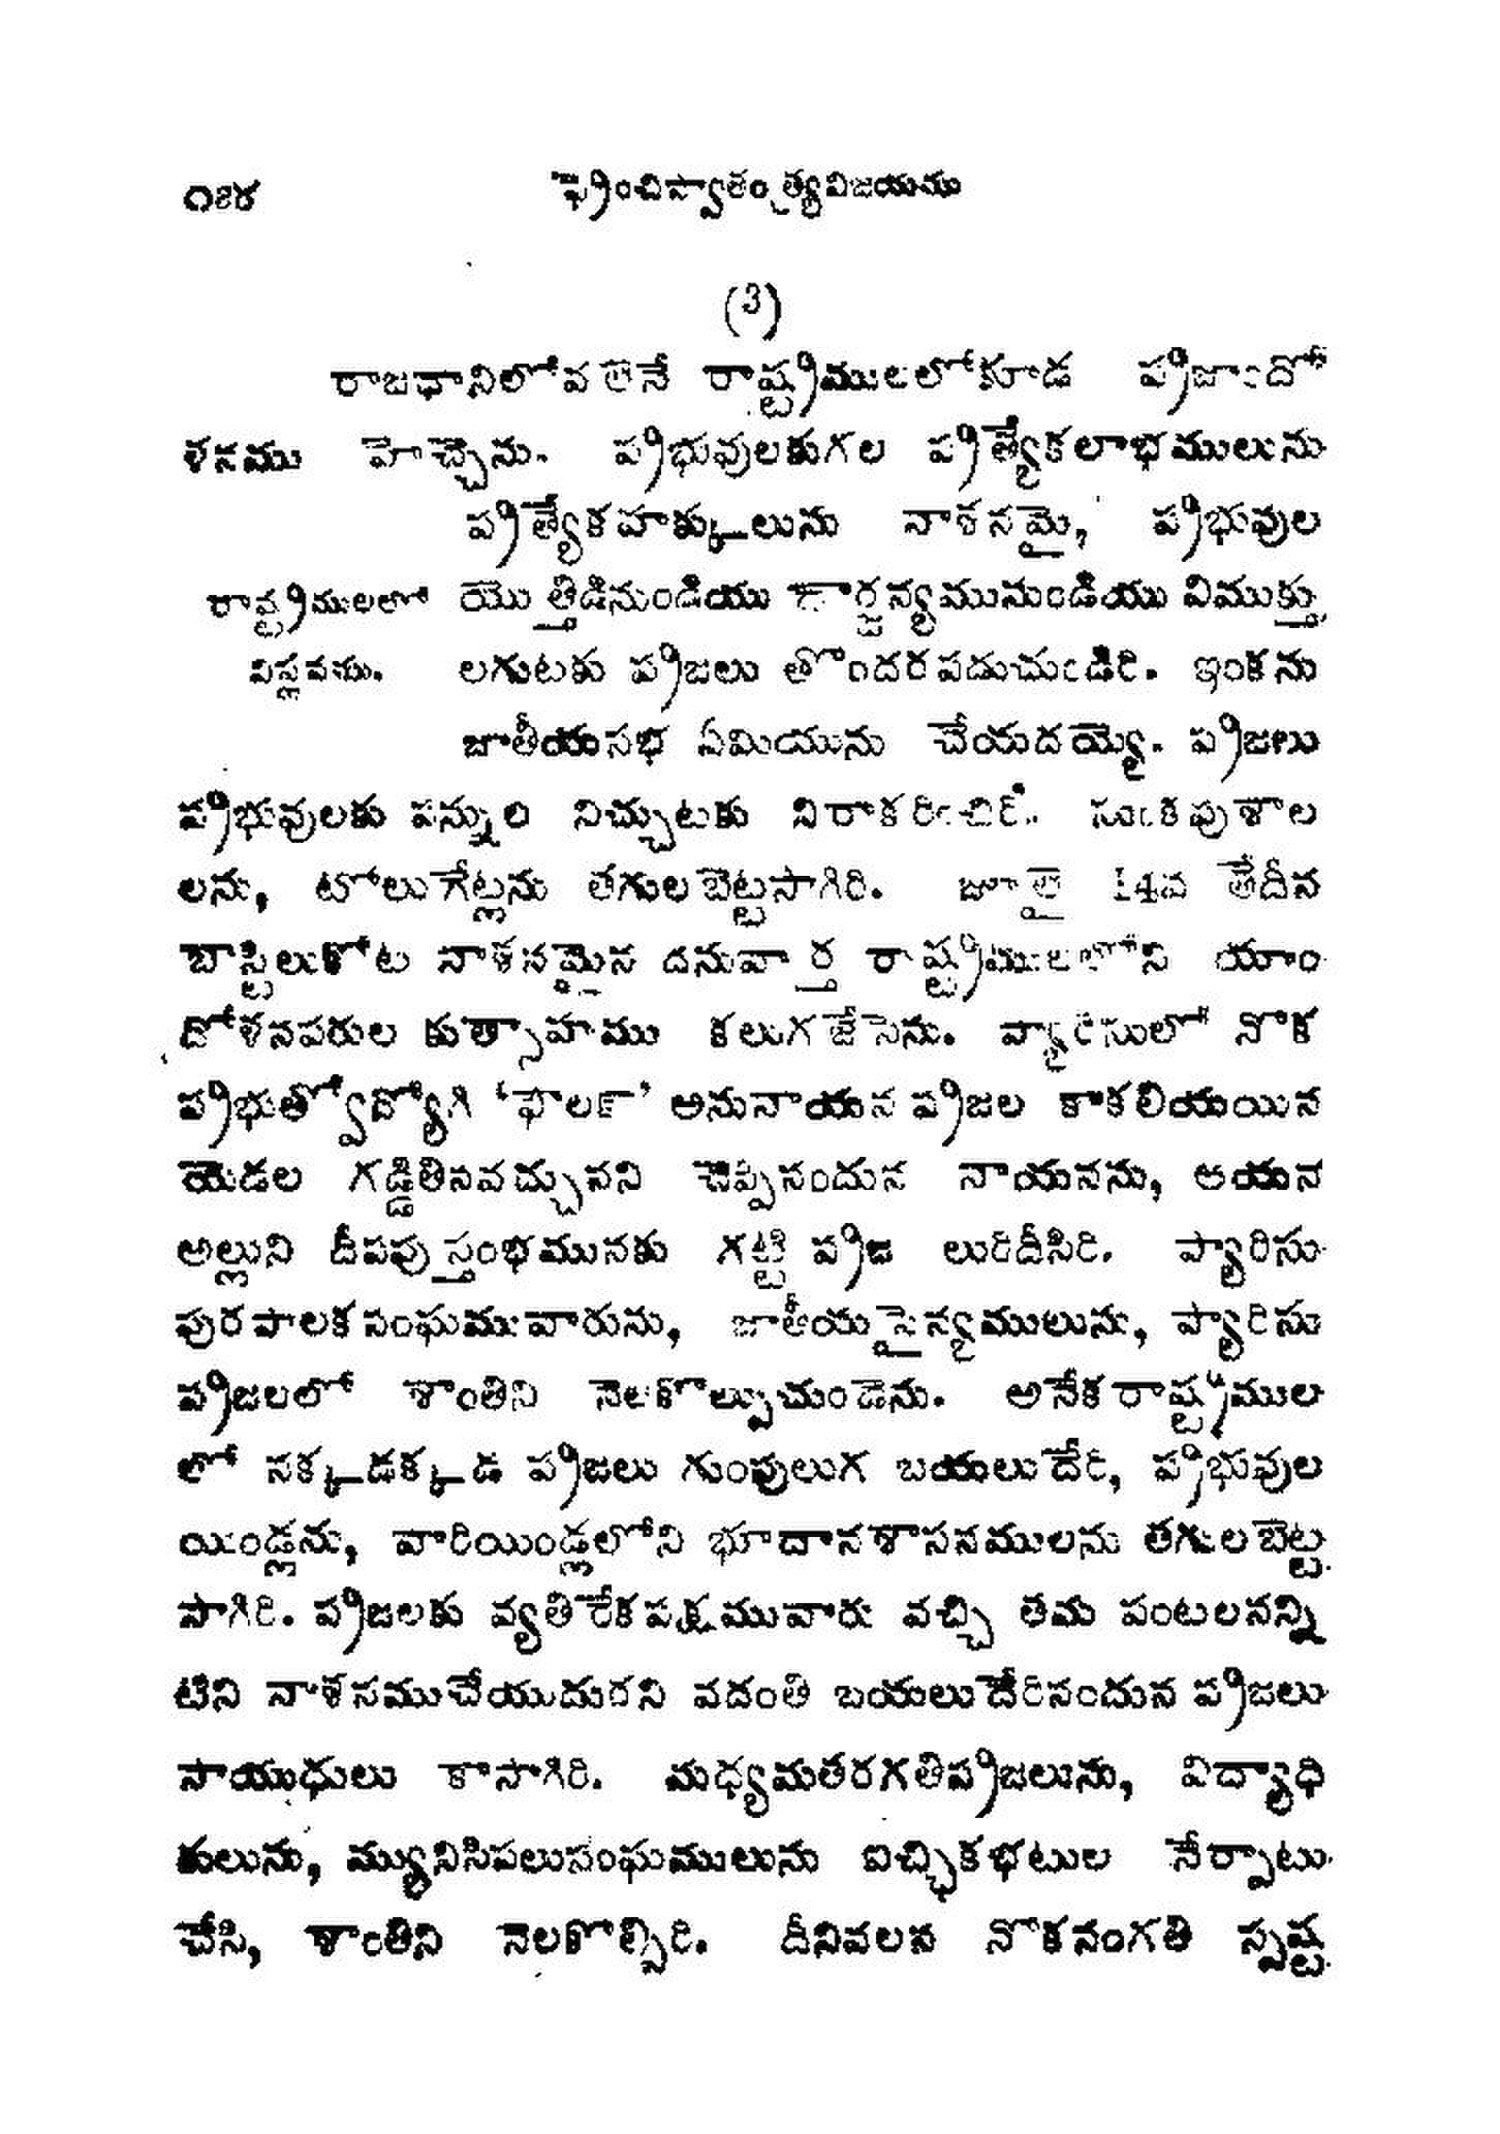రాష్ట్రములలో 
విప్లవము,

రాజధానిలోవలనే రాష్ట్రములలోకూడ ప్రజాందో
ళణాము హెచ్చెను, ప్రభువులకుగల ప్రత్యేకలాభములును
ప్రత్యేక హక్కులును నాశనమై, ప్రభువుల
యెత్తిడినుండియు డార్జన్యమునుండియు విముక్తు
లగుటకు ప్రజలు తొందరపడుచుండిరి. ఇంకను
జూతీయసభ ఏమియును చేయడాయ్యే . ప్రజలు
ప్రభువులకు పన్నుల నిచ్చుటకు నిరాకరించి.. సుంకపు శాల
లను, టోలు గేట్లను తగుల బెట్టసాగిరి. జూలై 14వ తేదీన
బాస్టిలు కోట నాశనమైన దనువార్త రాష్ట్రము లోని యాం
దోళనపరుల కుత్సాహము కలుగజేసెను. ప్యారీసులో నొక
ప్రభుత్వోద్యోగి 'ఫాలన్ ' అనునాయన ప్రజల కాకలియయిన
యెడల గడ్డితినవచ్చునని చెప్పి సందున నాయనను, ఆయన
అల్లుని దీపపు స్తంభమునకు గట్టి ప్రజలు రి దీసిరి. ప్యారిసు
పురపాలక సంఘము వారును, జూతీయ సైన్యములును, ప్యారిసు
ప్రజలలో శాంతిని నెలకొల్పుచుండెను. అనేక రాష్ట్రములు
లో సక్కడక్కడ ప్రజలు గుంపులుగ బయలు దేరి, ప్రభువుల
యిండ్లను, వారియిండ్లలోని భూదాన శాసనములను తగులబెట్ట.
సాగిరి. ప్రజలకు వ్యతిరేక పక్షమువారు వచ్చి తమ పంటలనన్ని
టిని నాశ సముచేయుదురని వదంతి బయలు దేరినందున ప్రజలు
సాయుధులుకాసాగిరి. మధ్యమతరగతిప్రజలుసు, విద్యాధి
కలును, మ్యునిసిపలు సంఘములును ఐచ్ఛిక భటుల నేర్పాటు,
చేసి, శాంతిని నెలకొల్పిరి. దీనివలస నొక సంగతి స్పష్ట.